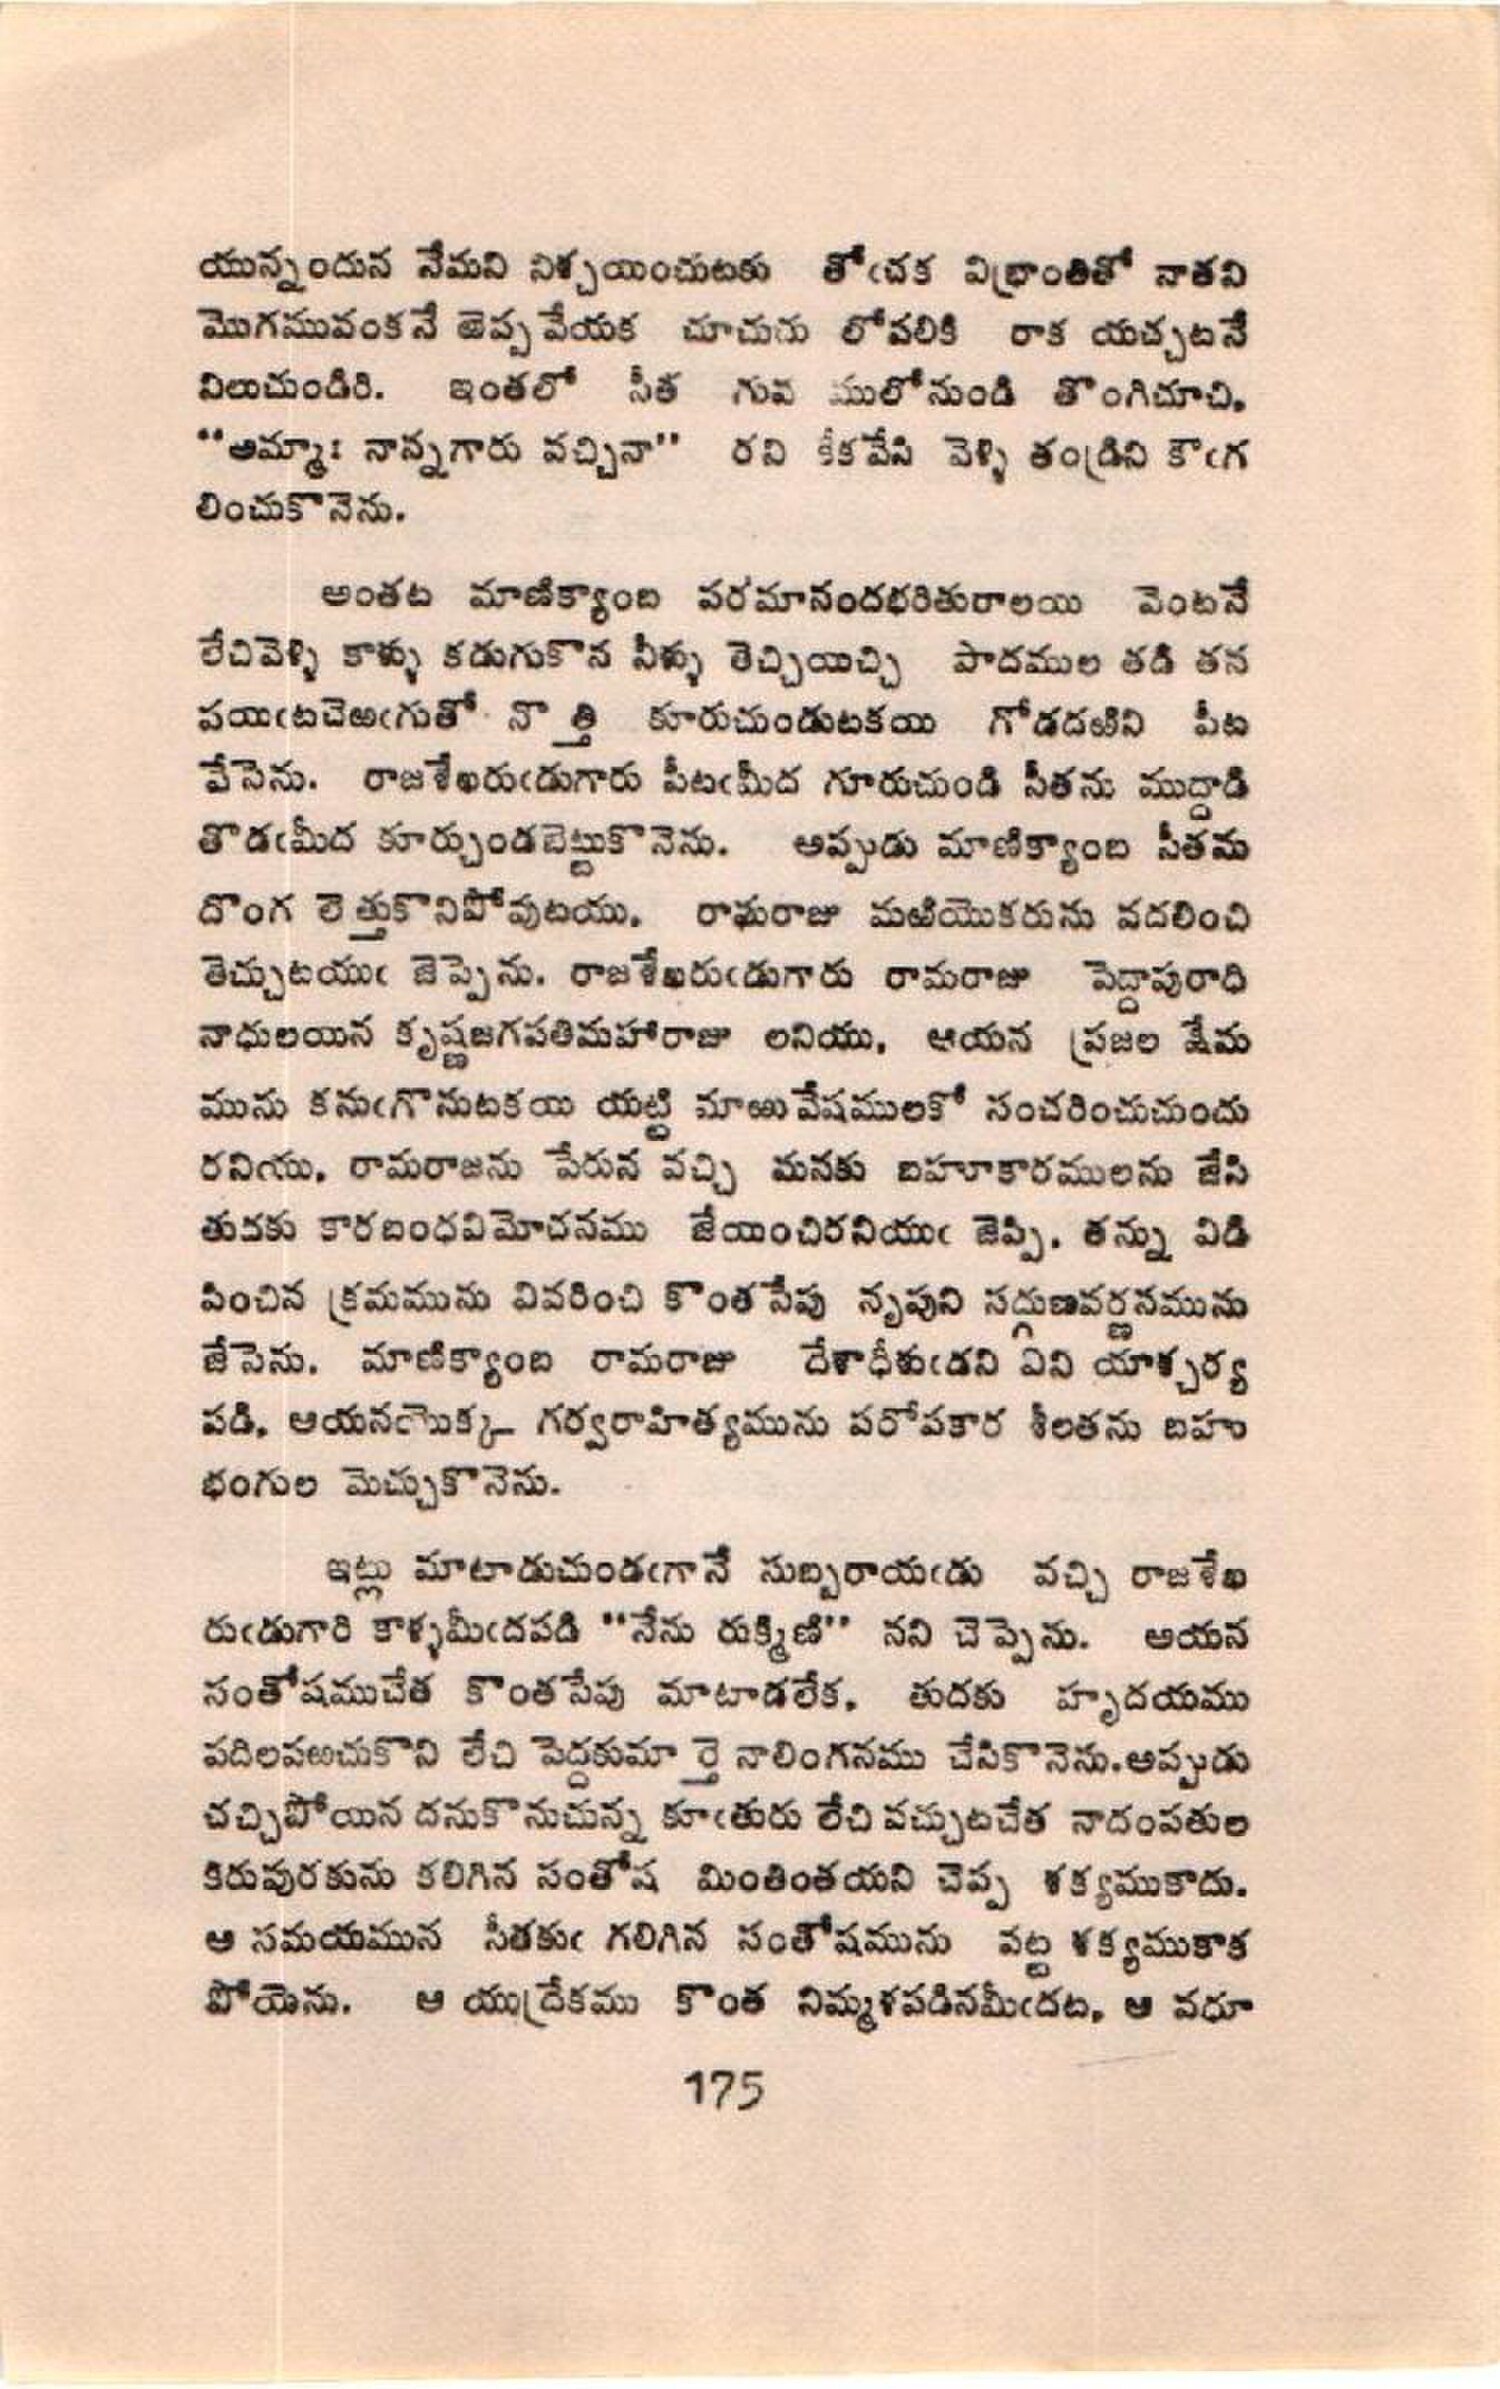యున్నందున నేమని నిశ్చయించుటకు తోచక విభ్రాంతితో నాతని మొగమువంకనే ఱెప్పవేయక చూచుచు లోపలికి రాక యచ్చటనే నిలుచుండిరి. ఇంతలో సీత గుమ్మములోనుండి తొంగిచూచి, "అమ్మా! నాన్నగారు వచ్చినా" రని కేకవేసి వెళ్ళి తండ్రిని కౌఁగలించుకొనెను.

అంతట మాణిక్యాంబ పరమానందభరితురాలయి వెంటనే లేచివెళ్ళి కాళ్ళు కడుగుకొన నీళ్ళు తెచ్చియిచ్చి పాదముల తడి తన పయిఁటచెఱఁగుతో నొత్తి కూరుచుండుటకయు గోడదఱిని పీట వేసెను. రాజశేఖరుఁడుగారు పీటఁమీద గూరుచుండి సీతను ముద్దాడి తొడమీద కూర్చుండబెట్టుకొనెను. అప్పుడు మాణిక్యాంబ సీతమ దొంగ లెత్తుకొనిపోవుటయు, రామరాజు మఱియొకరును వదలించి తెచ్చుటయఁ జెప్పెను. రాజశేఖరుఁడుగారు రామరాజు పెద్దాపురాధి నాధులయిన కృష్ణజగపతిమహారాజు లనియు, ఆయన ప్రజల క్షేమ మును కనుగొనుటకయ యట్టి మాఱువేషములలో సంచరించుచుందు రనియు, రామరాజను పేరున వచ్చి మనకు బహూకారములను జేసి తుదకు కారబంధవిమోచనము జేయించిరనియఁ జెప్పి, తన్ను విడిపించిన క్రమమును వివరించి కొంతసేపు నృపుని సద్గుణవర్ణనమును జేసెను. మాణిక్యాంబ రామరాజు దేశాధీశుఁడని విని యాశ్చర్య పడి, ఆయనయొక్క గర్వరాహిత్యమును పరోపకార శీలతను బహు భంగుల మెచ్చుకొనెను.

ఇట్లు మాటాడుచుండఁగానే సుబ్బరాయఁడు వచ్చి రాజశేఖరుఁడుగారి కాళ్ళమీఁదపడి "నేను రుక్మిణి" నని చెప్పెను. ఆయన సంతోషముచేత కొంతసేపు మాటాడలేక, తుదకు హృదయము పదిలపఱచుకొని లేచి పెద్దకుమార్తెనాలింగనము చేసికొనెను.అప్పుడు చచ్చిపోయినదనుకొనుచున్న కూతురు లేచి వచ్చుటచేత నాదంపతుల కిరువరకును కలిగిన సంతోష మింతింతయని చెప్ప శక్యముకాదు. ఆ సమయమున సీతకుఁ గలిగిన సంతోషమును పట్ట శక్యముకాక పోయెను. ఆ యుద్రేకము కొంత నిమ్మళపడినమీదట, ఆ వధూ